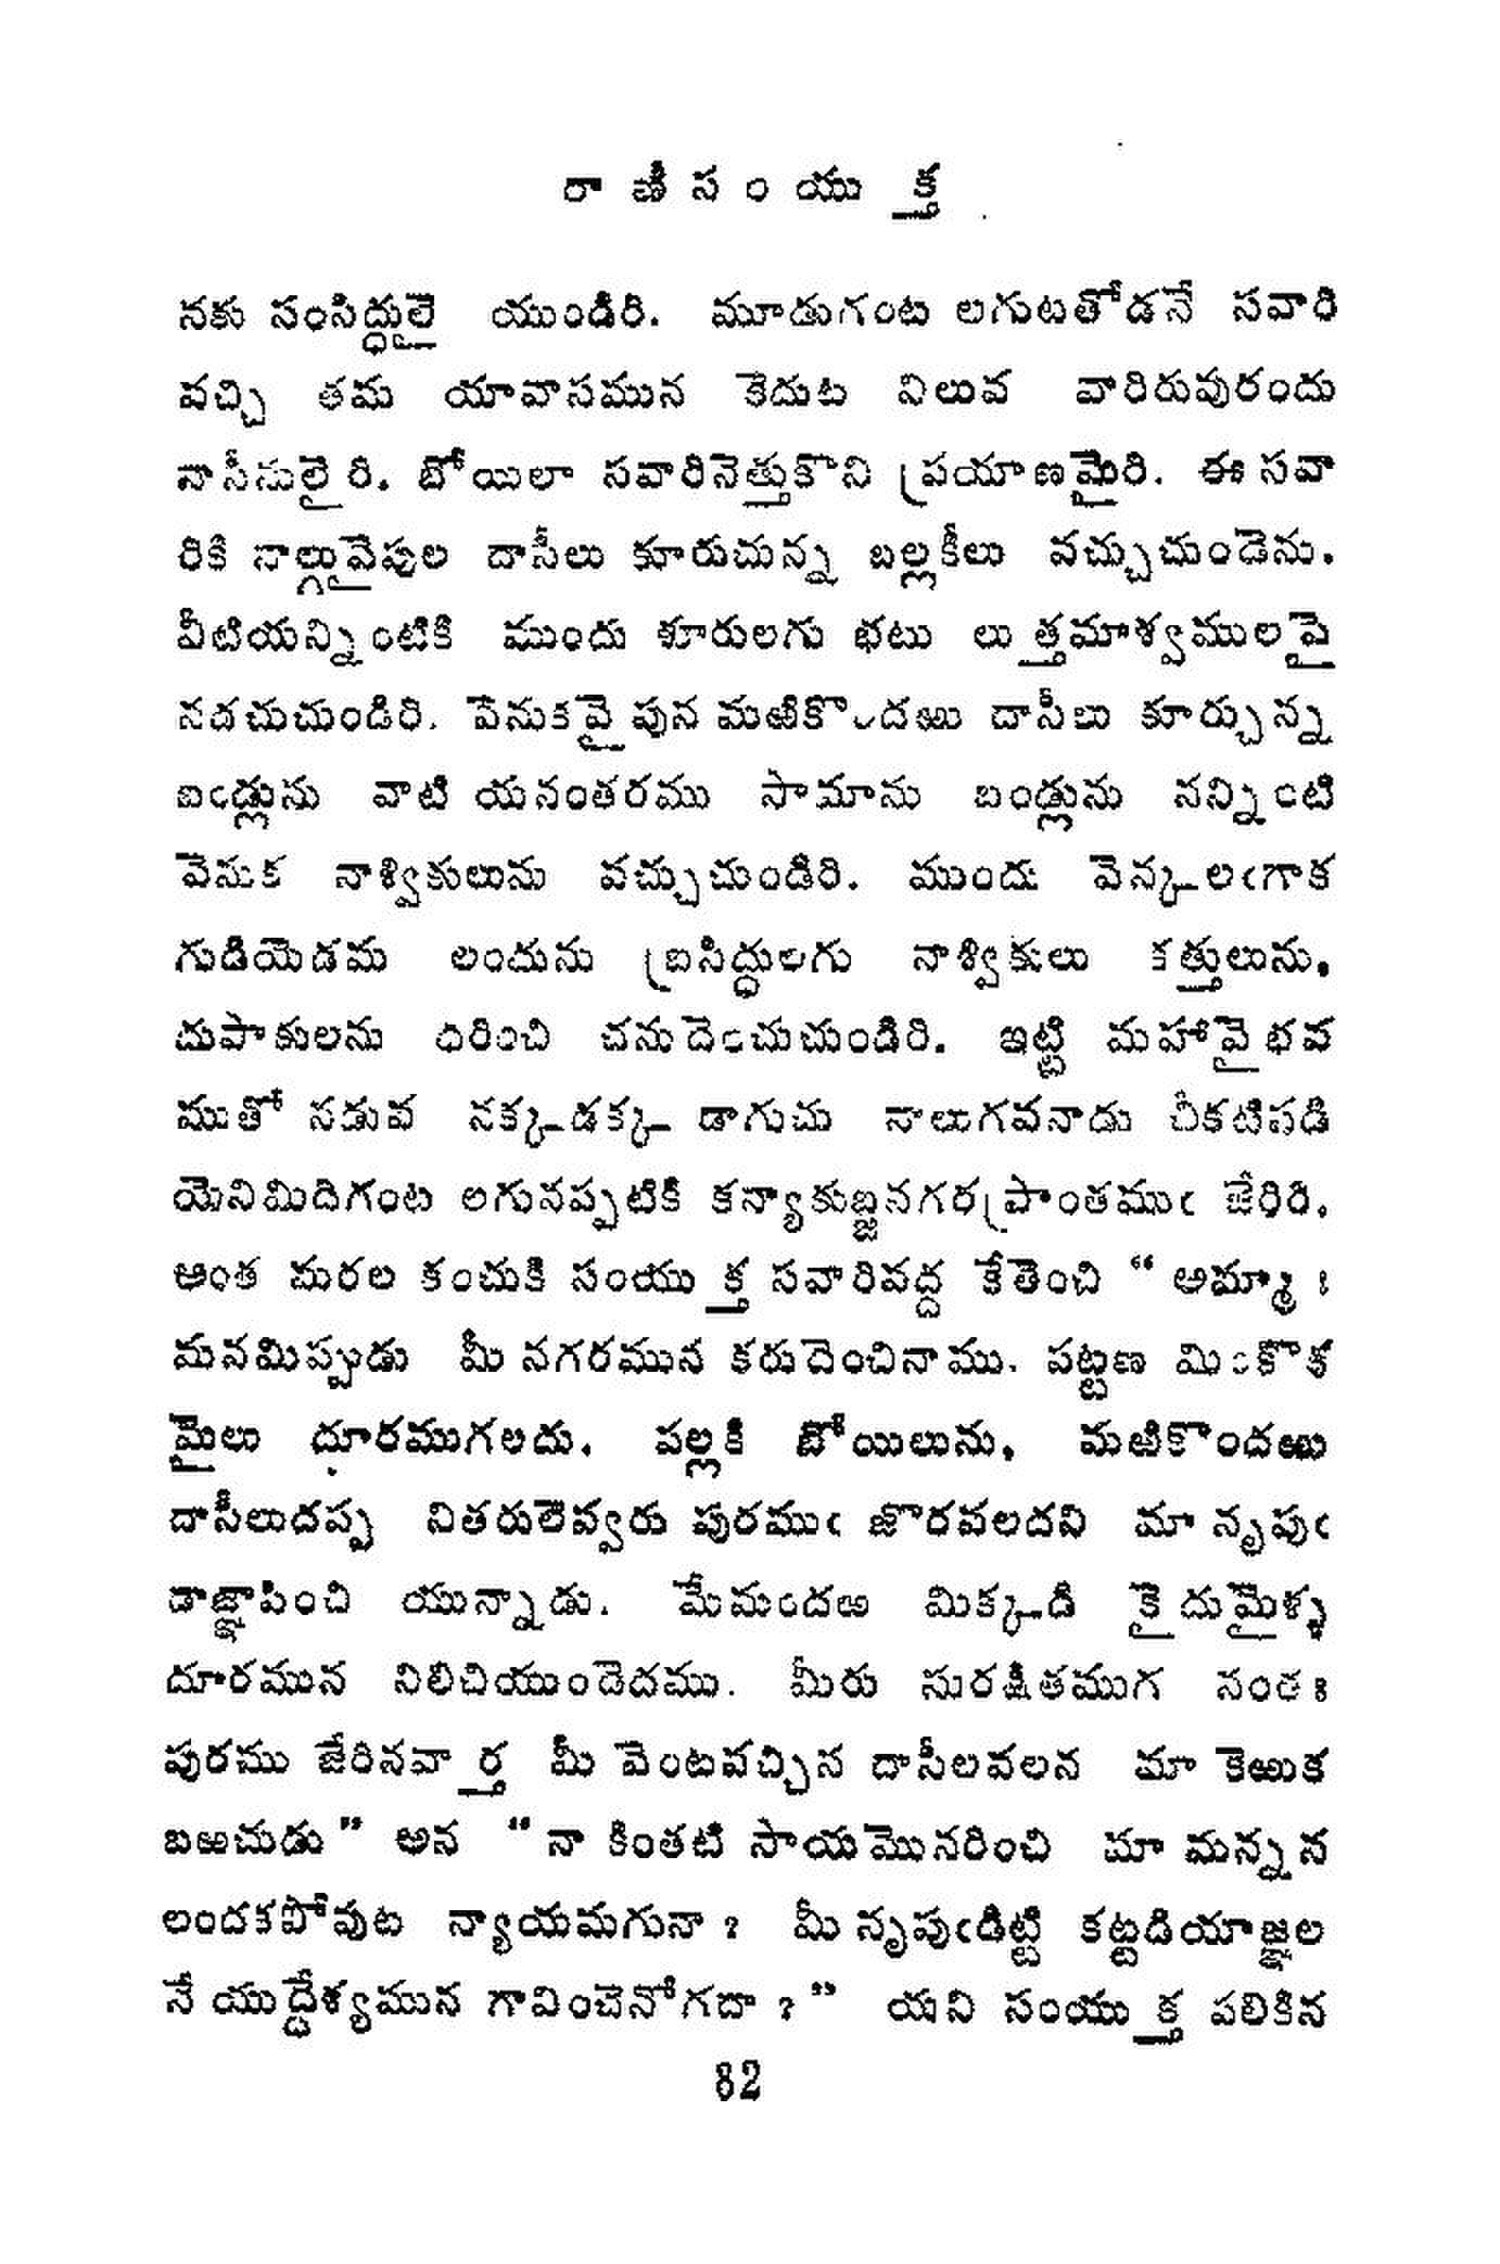నకు సంసిద్ధులై యుండిరి. మూడుగంట లగుటతోడనే సవారి వచ్చి తమ యావాసమున కెదుట నిలువ వారిరువురందు నాసీనులైరి. బోయిలా సవారినెత్తుకొని ప్రయాణమైరి. ఈ సవారికి నాల్గువైపుల దాసీలు కూరుచున్న బల్లకీలు వచ్చుచుండెను. వీటియన్నింటికి ముందు శూరులగు భటు లుత్తమాశ్వములపై నడచుచుండిరి. వెనుకవైపున మఱికొందఱు దాసీలు కూర్చున్న బండ్లును వాటి యనంతరము సామాను బండ్లును నన్నింటి వెనుక నాశ్వికులును వచ్చుచుండిరి. ముందు వెన్కలఁగాక గుడియెడమ లందును బ్రసిద్ధులగు నాశ్వికులు కత్తులును, దుపాకులను ధరించి చనుదెంచుచుండిరి. ఇట్టి మహావైభవముతో నడువ నక్కడక్క డాగుచు నాలుగవనాడు చీకటిపడి యెనిమిదిగంట లగునప్పటికి కన్యాకుబ్బనగరప్రాంతముఁ జేరిరి. అంతట మరల కంచుకి సంయుక్త సవారివద్ద కేతెంచి " అమ్మా ! మనమిప్పుడు మీ నగరమున కరుదెంచినాము. పట్టణ మింకొక మైలు దూరముగలదు. పల్లకి బోయిలును, మఱికొందఱు దాసీలుదప్ప నితరులెవ్వరు పురముఁ జొరవలదని మా నృపుఁ డాజ్ఞాపించి యున్నాడు. మేమందఱ మిక్కడి కైదుమైళ్ళ దూరమున నిలిచియుండెదము. మీరు సురక్షితముగ నంతఃపురము జేరినవార్త మీ వెంటవచ్చిన దాసీలవలన మా కెఱుక బఱచుడు " అన “నా కింతటి సాయమొనరించి మా మన్నన లందకపోవుట న్యాయమగునా? మీ నృపుఁడిట్టి కట్టడియాజ్ఞల నే యుద్దేశ్యమున గావించెనోగదా?” యని సంయుక్త పలికిన